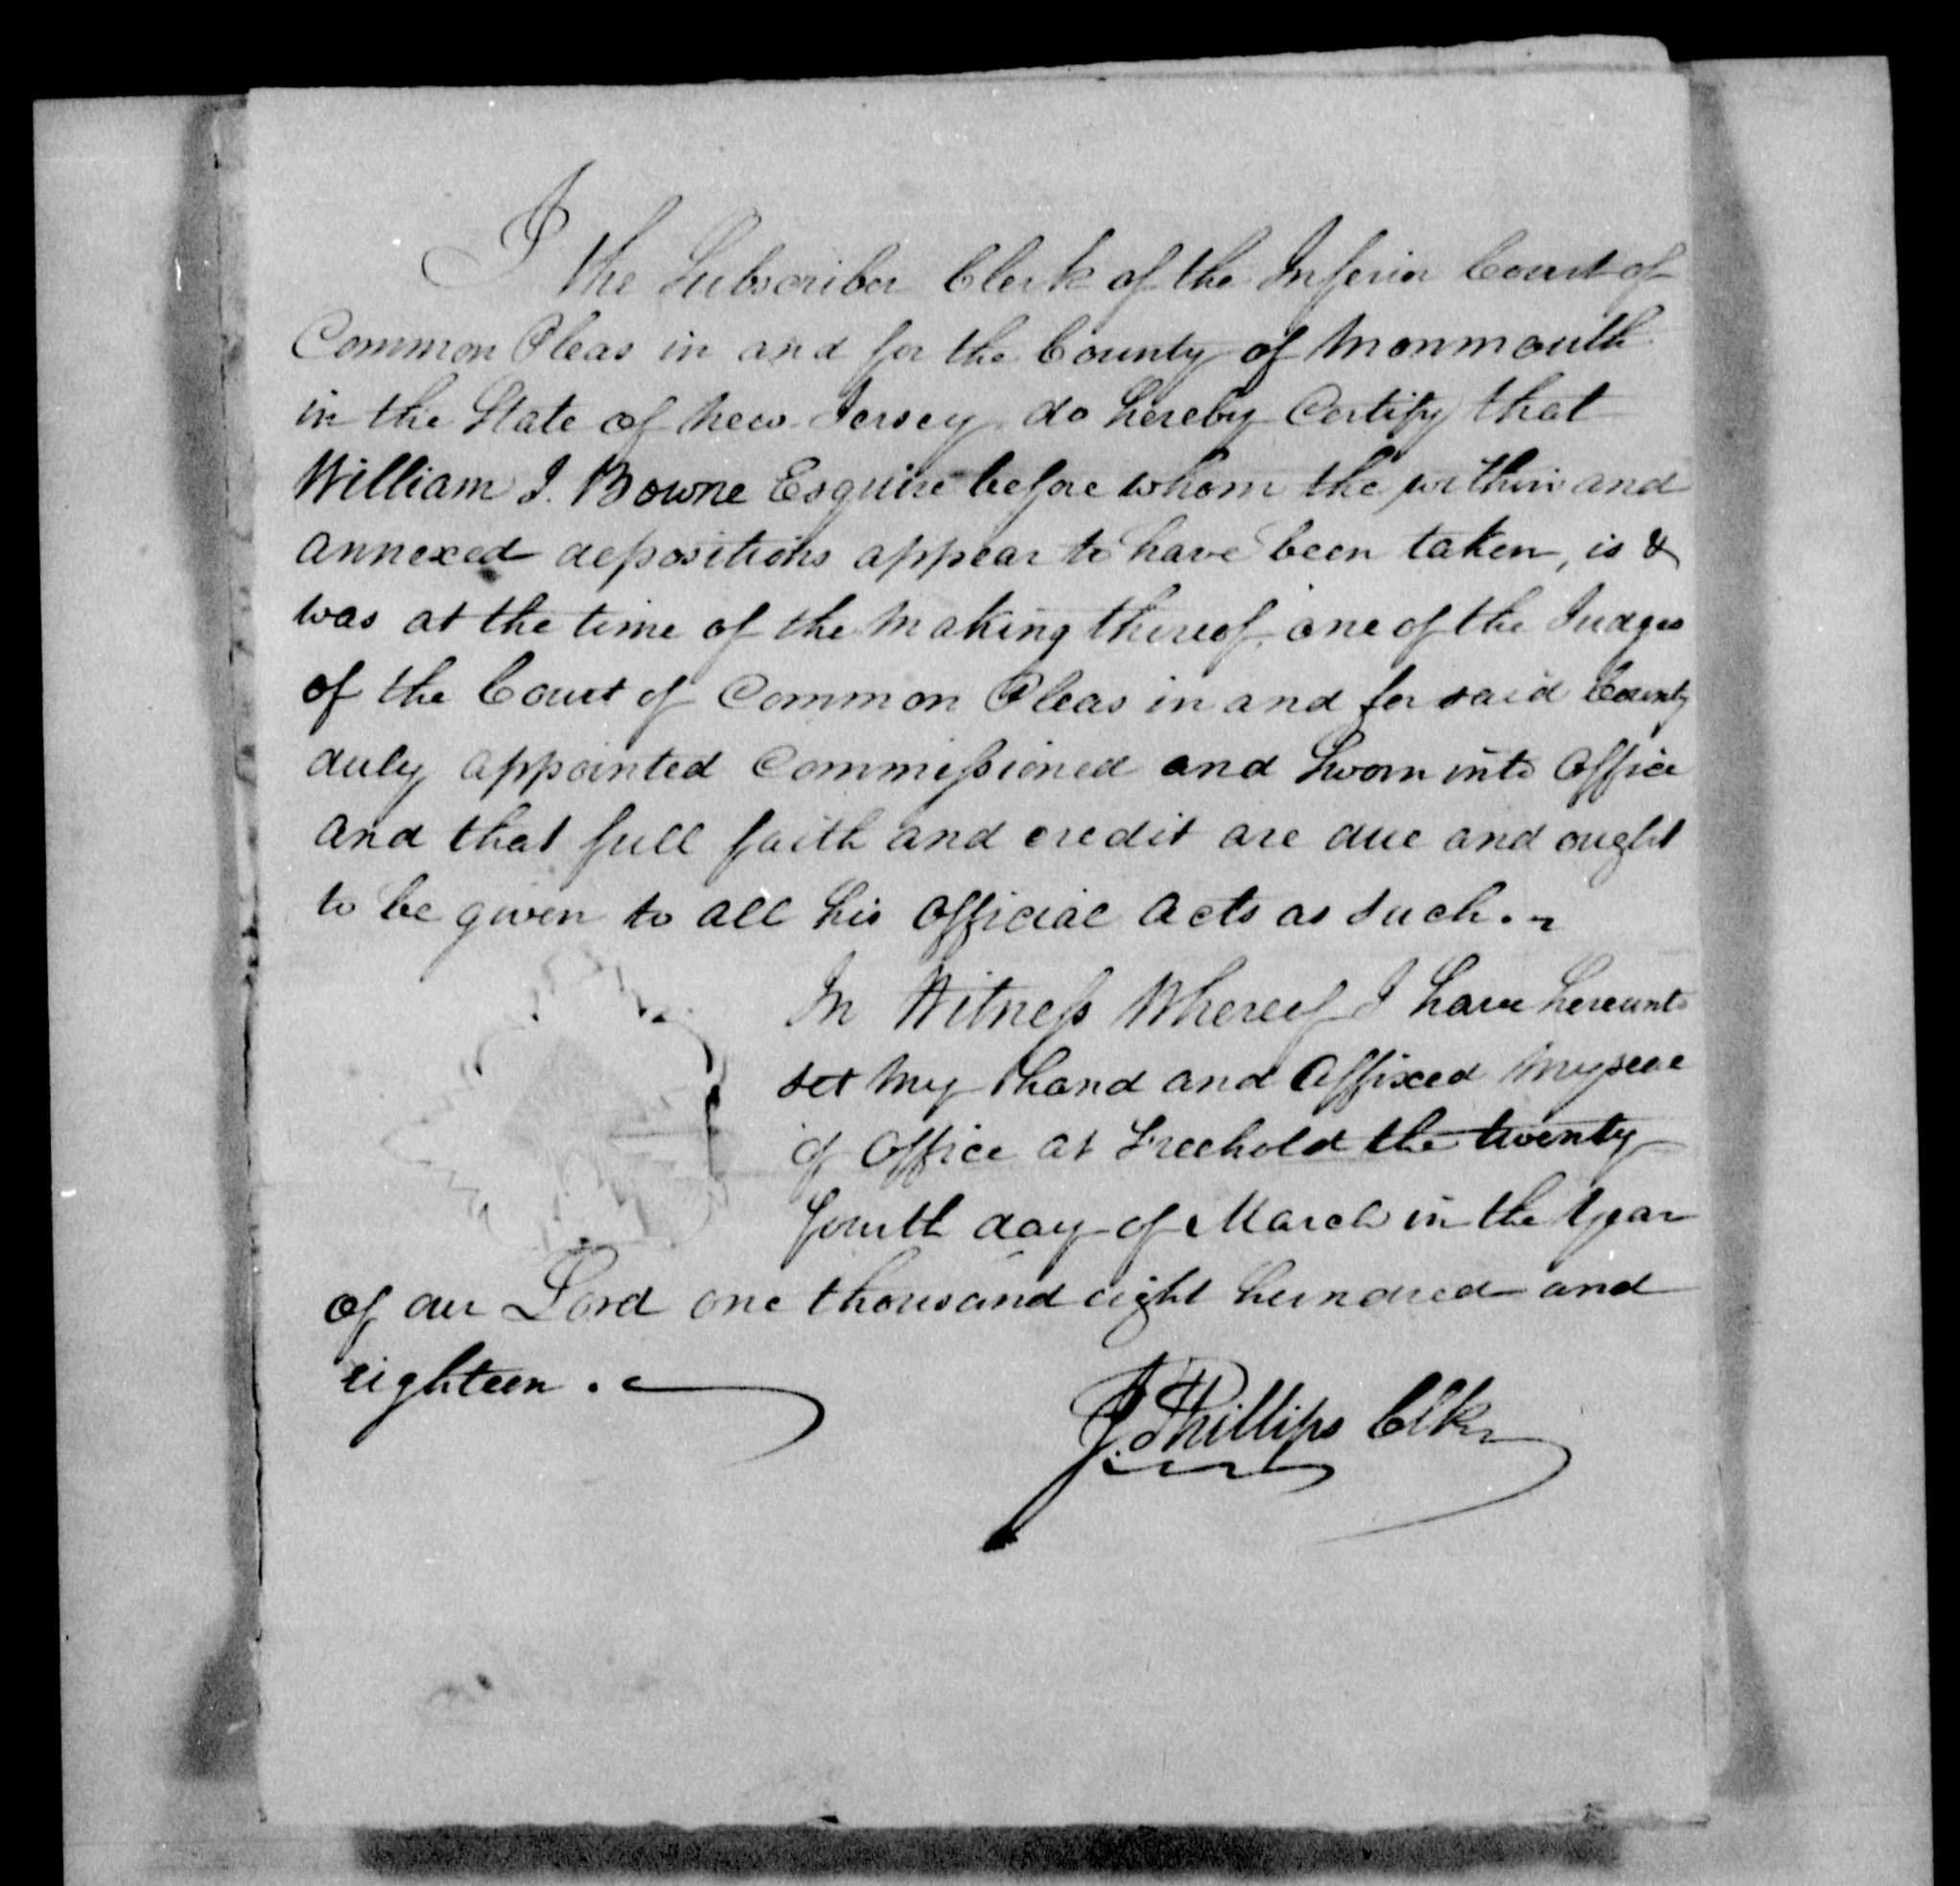I the Subscriber Clerk of the Inferior Court of
Common Pleas in and for the County of Monmouth
in the State of New Jersey do hereby Certify that
William J. Bowne Esquire before whom the within and
annexed depositions appear to have been taken, is &
was at the time of the making thereof one of the Judges
of the Court of Common Pleas in and for said County
duly appointed Commissioned and Sworn into office
and that full faith and credit are due and ought
to be given to all his official acts as such.

In Witness whereof I have hereunto
set my Hand and affixed my seal
of Office at Freehold the twenty
fourth day of March in the year
of our Lord one thousand eight hundred and
eighteen.

J, Phillips Clk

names: J Phillips; William J Bowne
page: 4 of 21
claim: survivor's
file: S. 33,554, for David Rhea, New Jersey